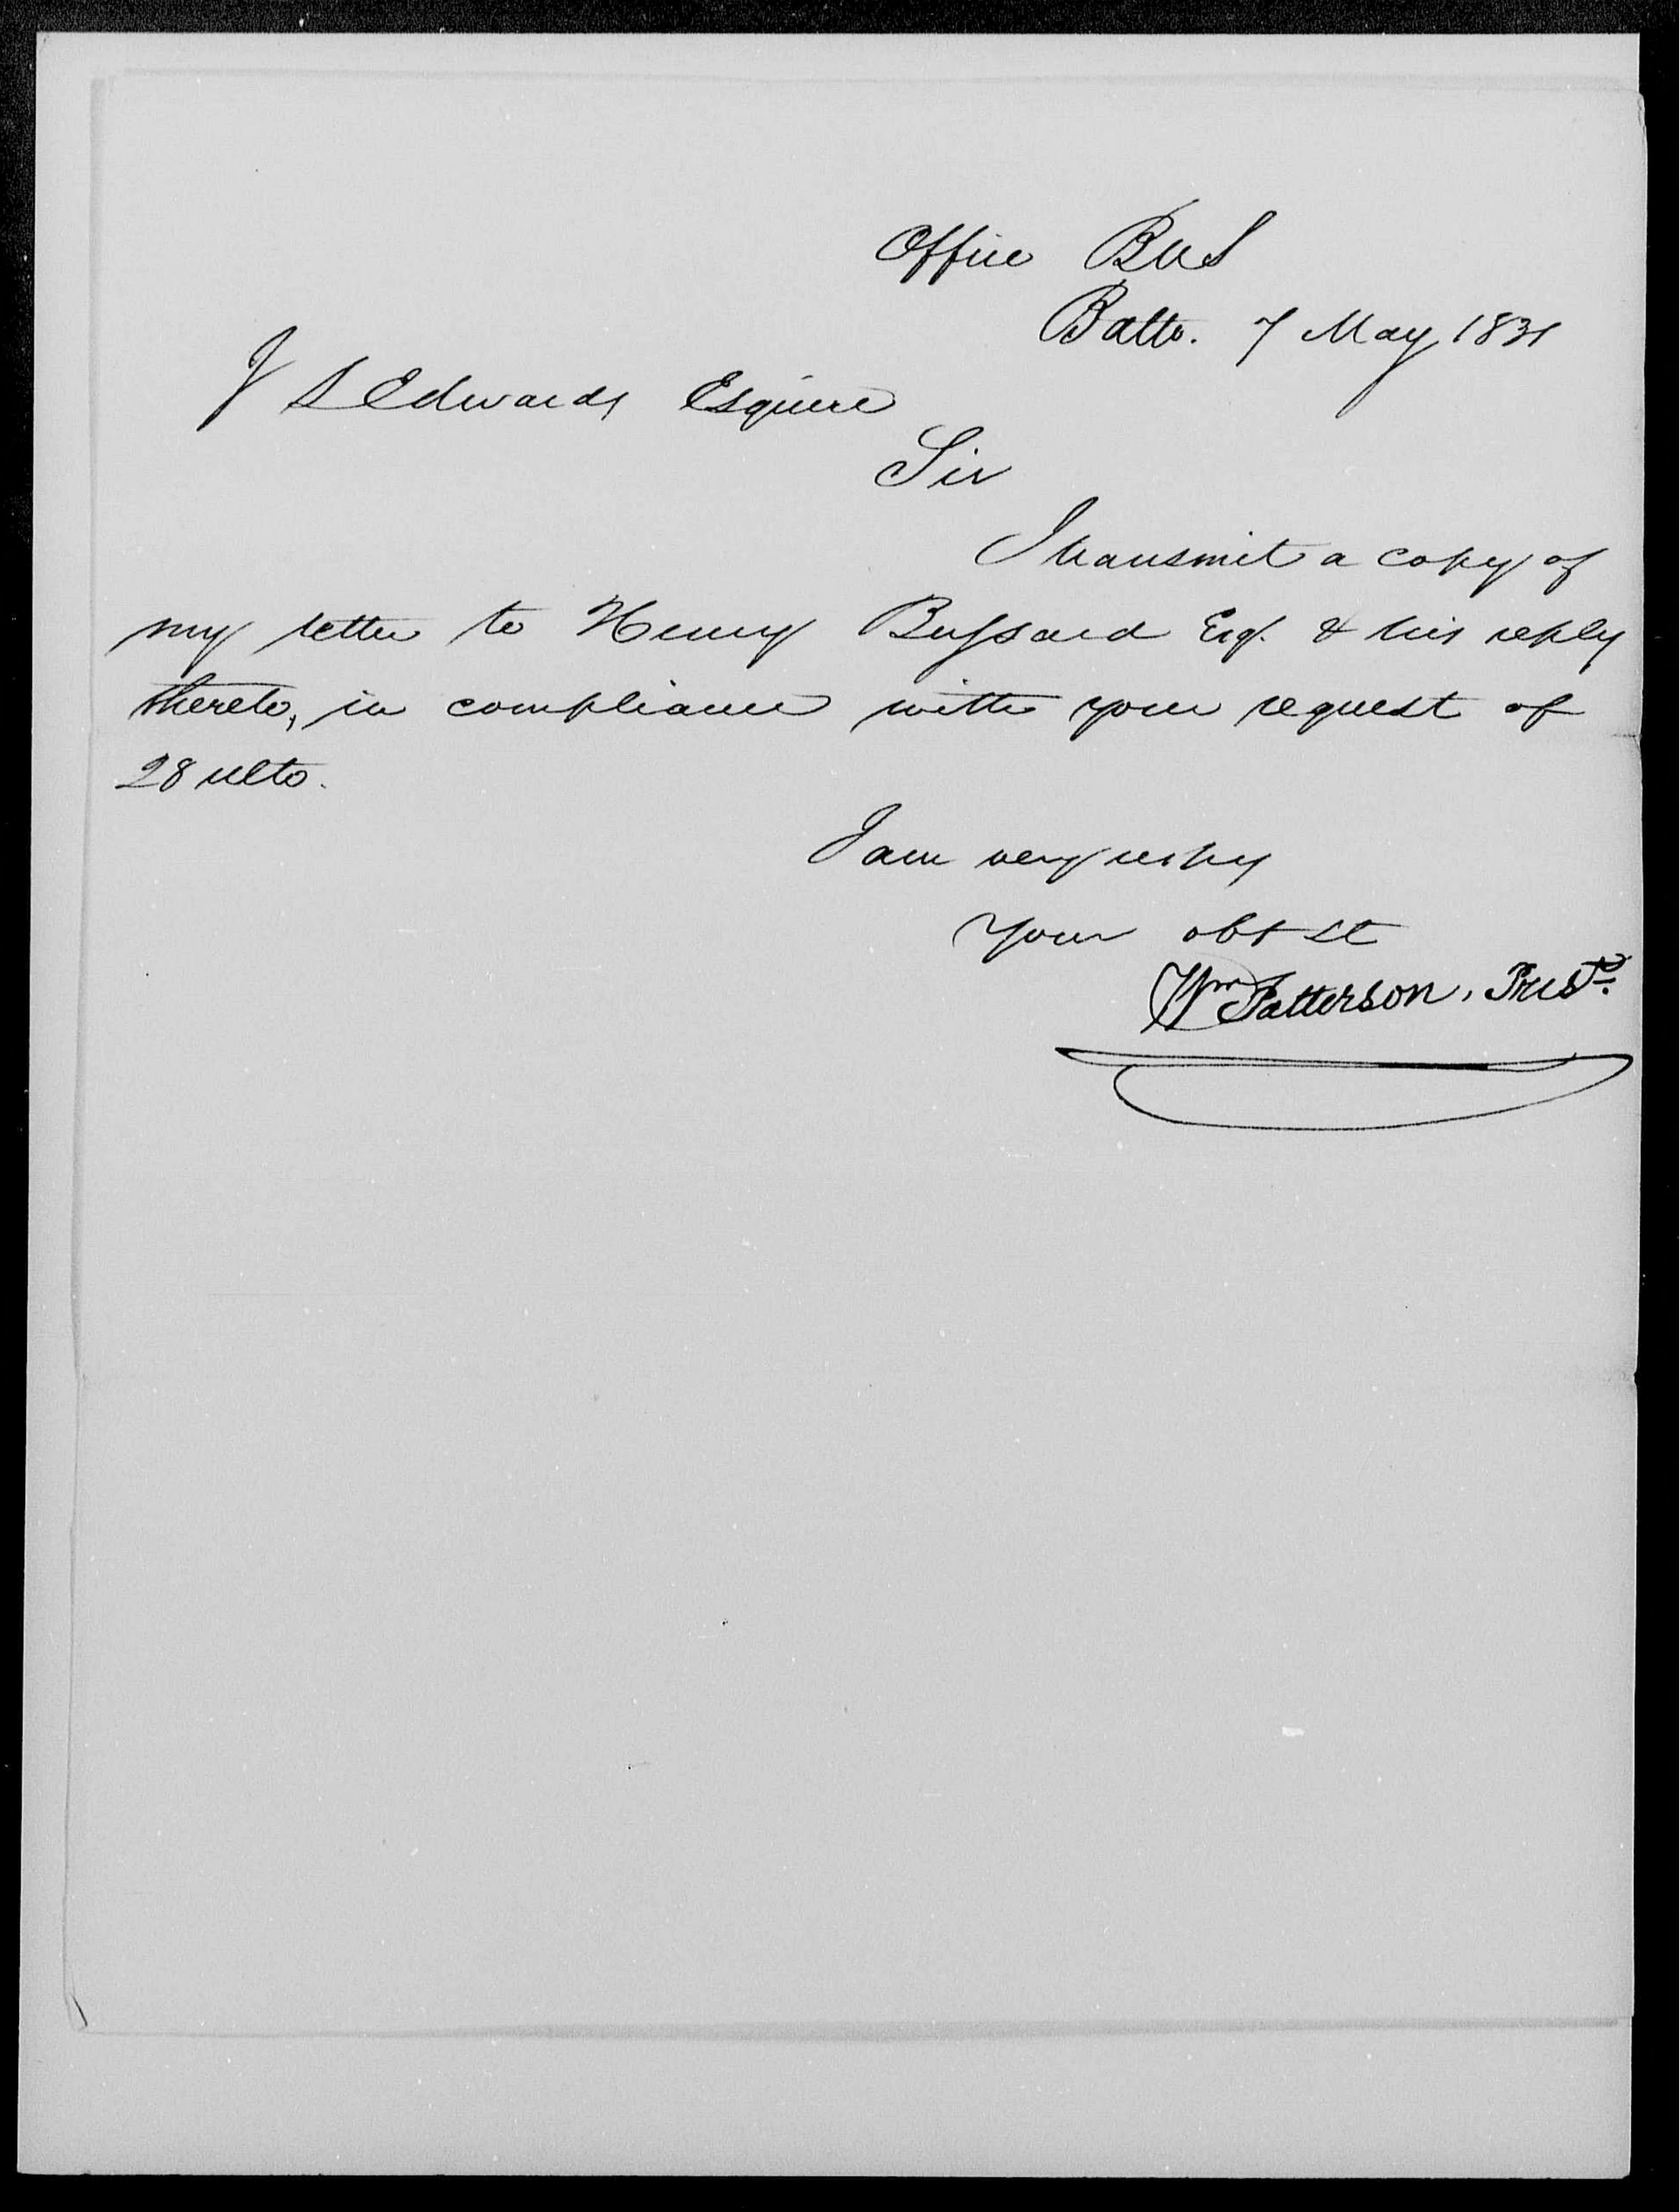Office Bus
Balto 7 May 1831

J L Edwards Esquire

Sir

I transmit a copy of my letter to Henry Bussard Esq & his reply thereto in compliance with your request of 28 ulto.

I am very respt
Your obt sev

Wm Patterson, Trustee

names: Wm Patterson, Henry Bussard, J L Edwards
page: 19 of 30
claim: survivor's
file: S. 10093, James Blewer, Md.